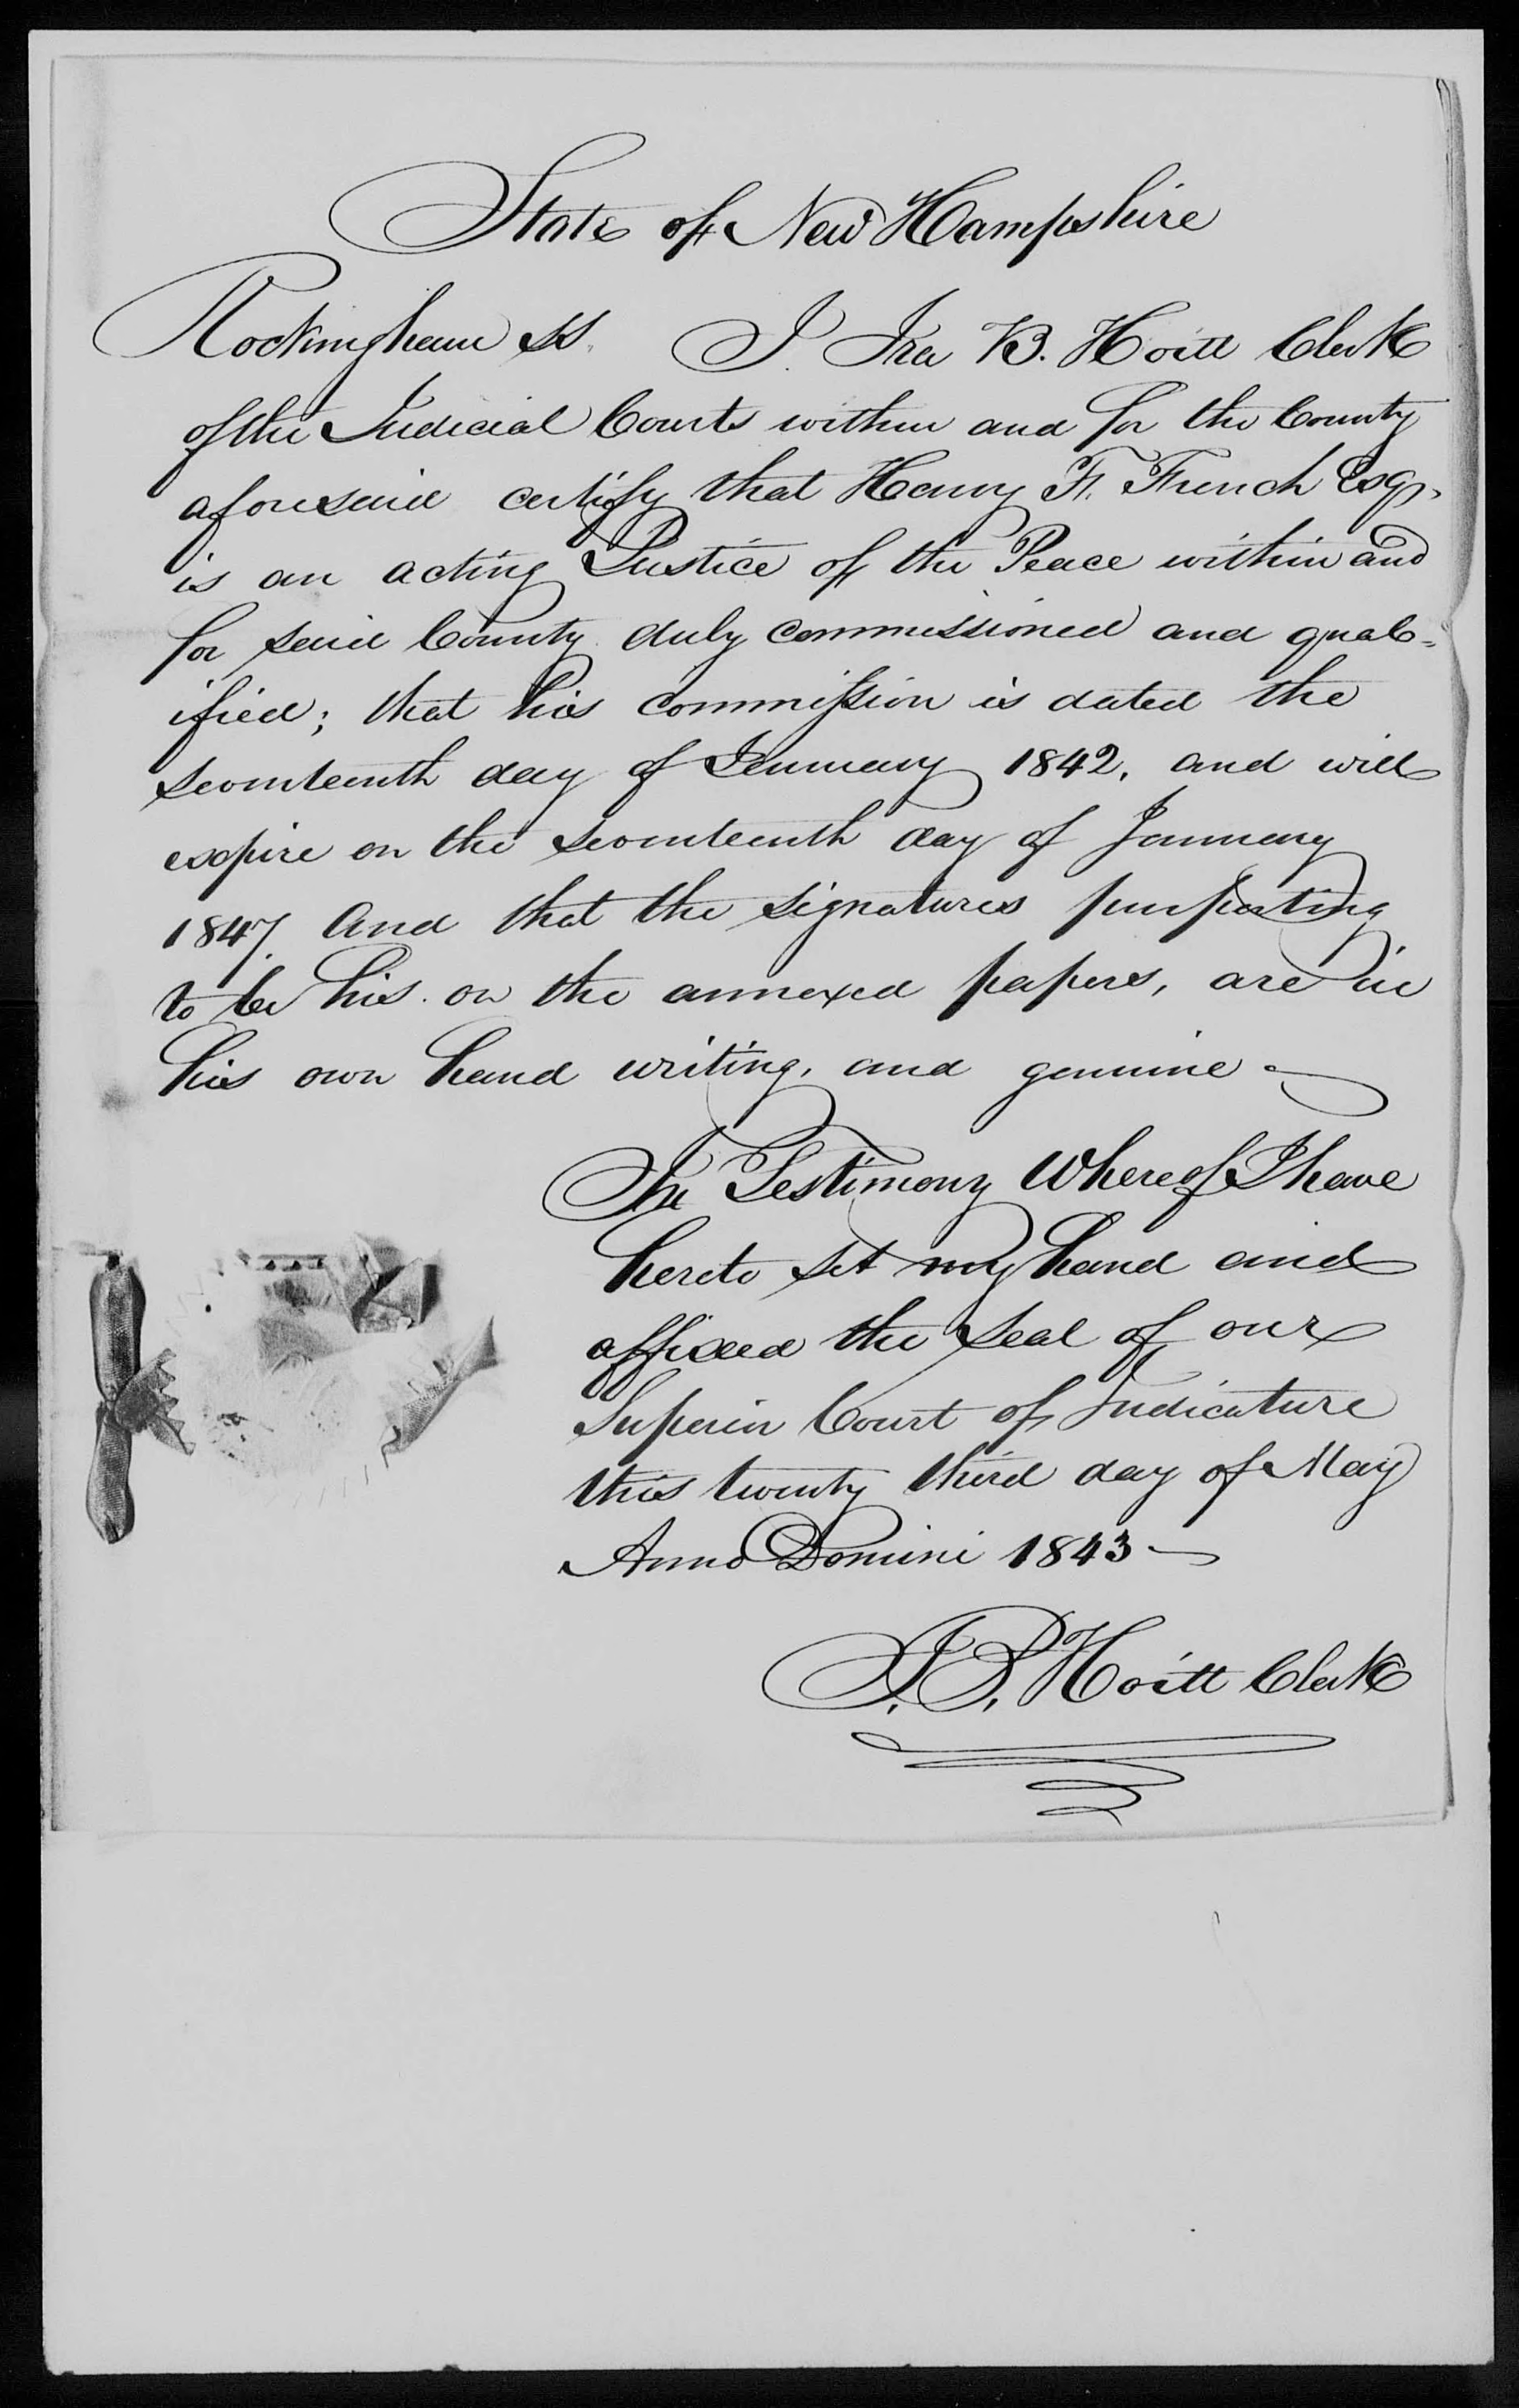State of New Hampshire
Rockingham SS.
I Ira B. Hoitt Clerk of the Judicial Court within and for the County aforesaid certify that Henry F. French Esq, is an acting Justice of the Peace within and for said County duly commissioned and qualified; that his commission is dated the
Seventeenth day of January 1842, and will
expire on the Seventeenth day of January 1847 and that the signatures purporting to be his on the annexed papers, are in his own hand writing, and genuine. -
The Testimony whereof I have hereto set my hand and affixed the Seal of our Superior Court of Judicature this twenty third day of May
Anno Domini 1843 -
I. B. Hoitt Clerk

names: I B Hoitt, Ira B Hoitt, Henry F French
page: 27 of 43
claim: widow's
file: W. 21665, Ebenezer Bennett, N. H. Privateer.